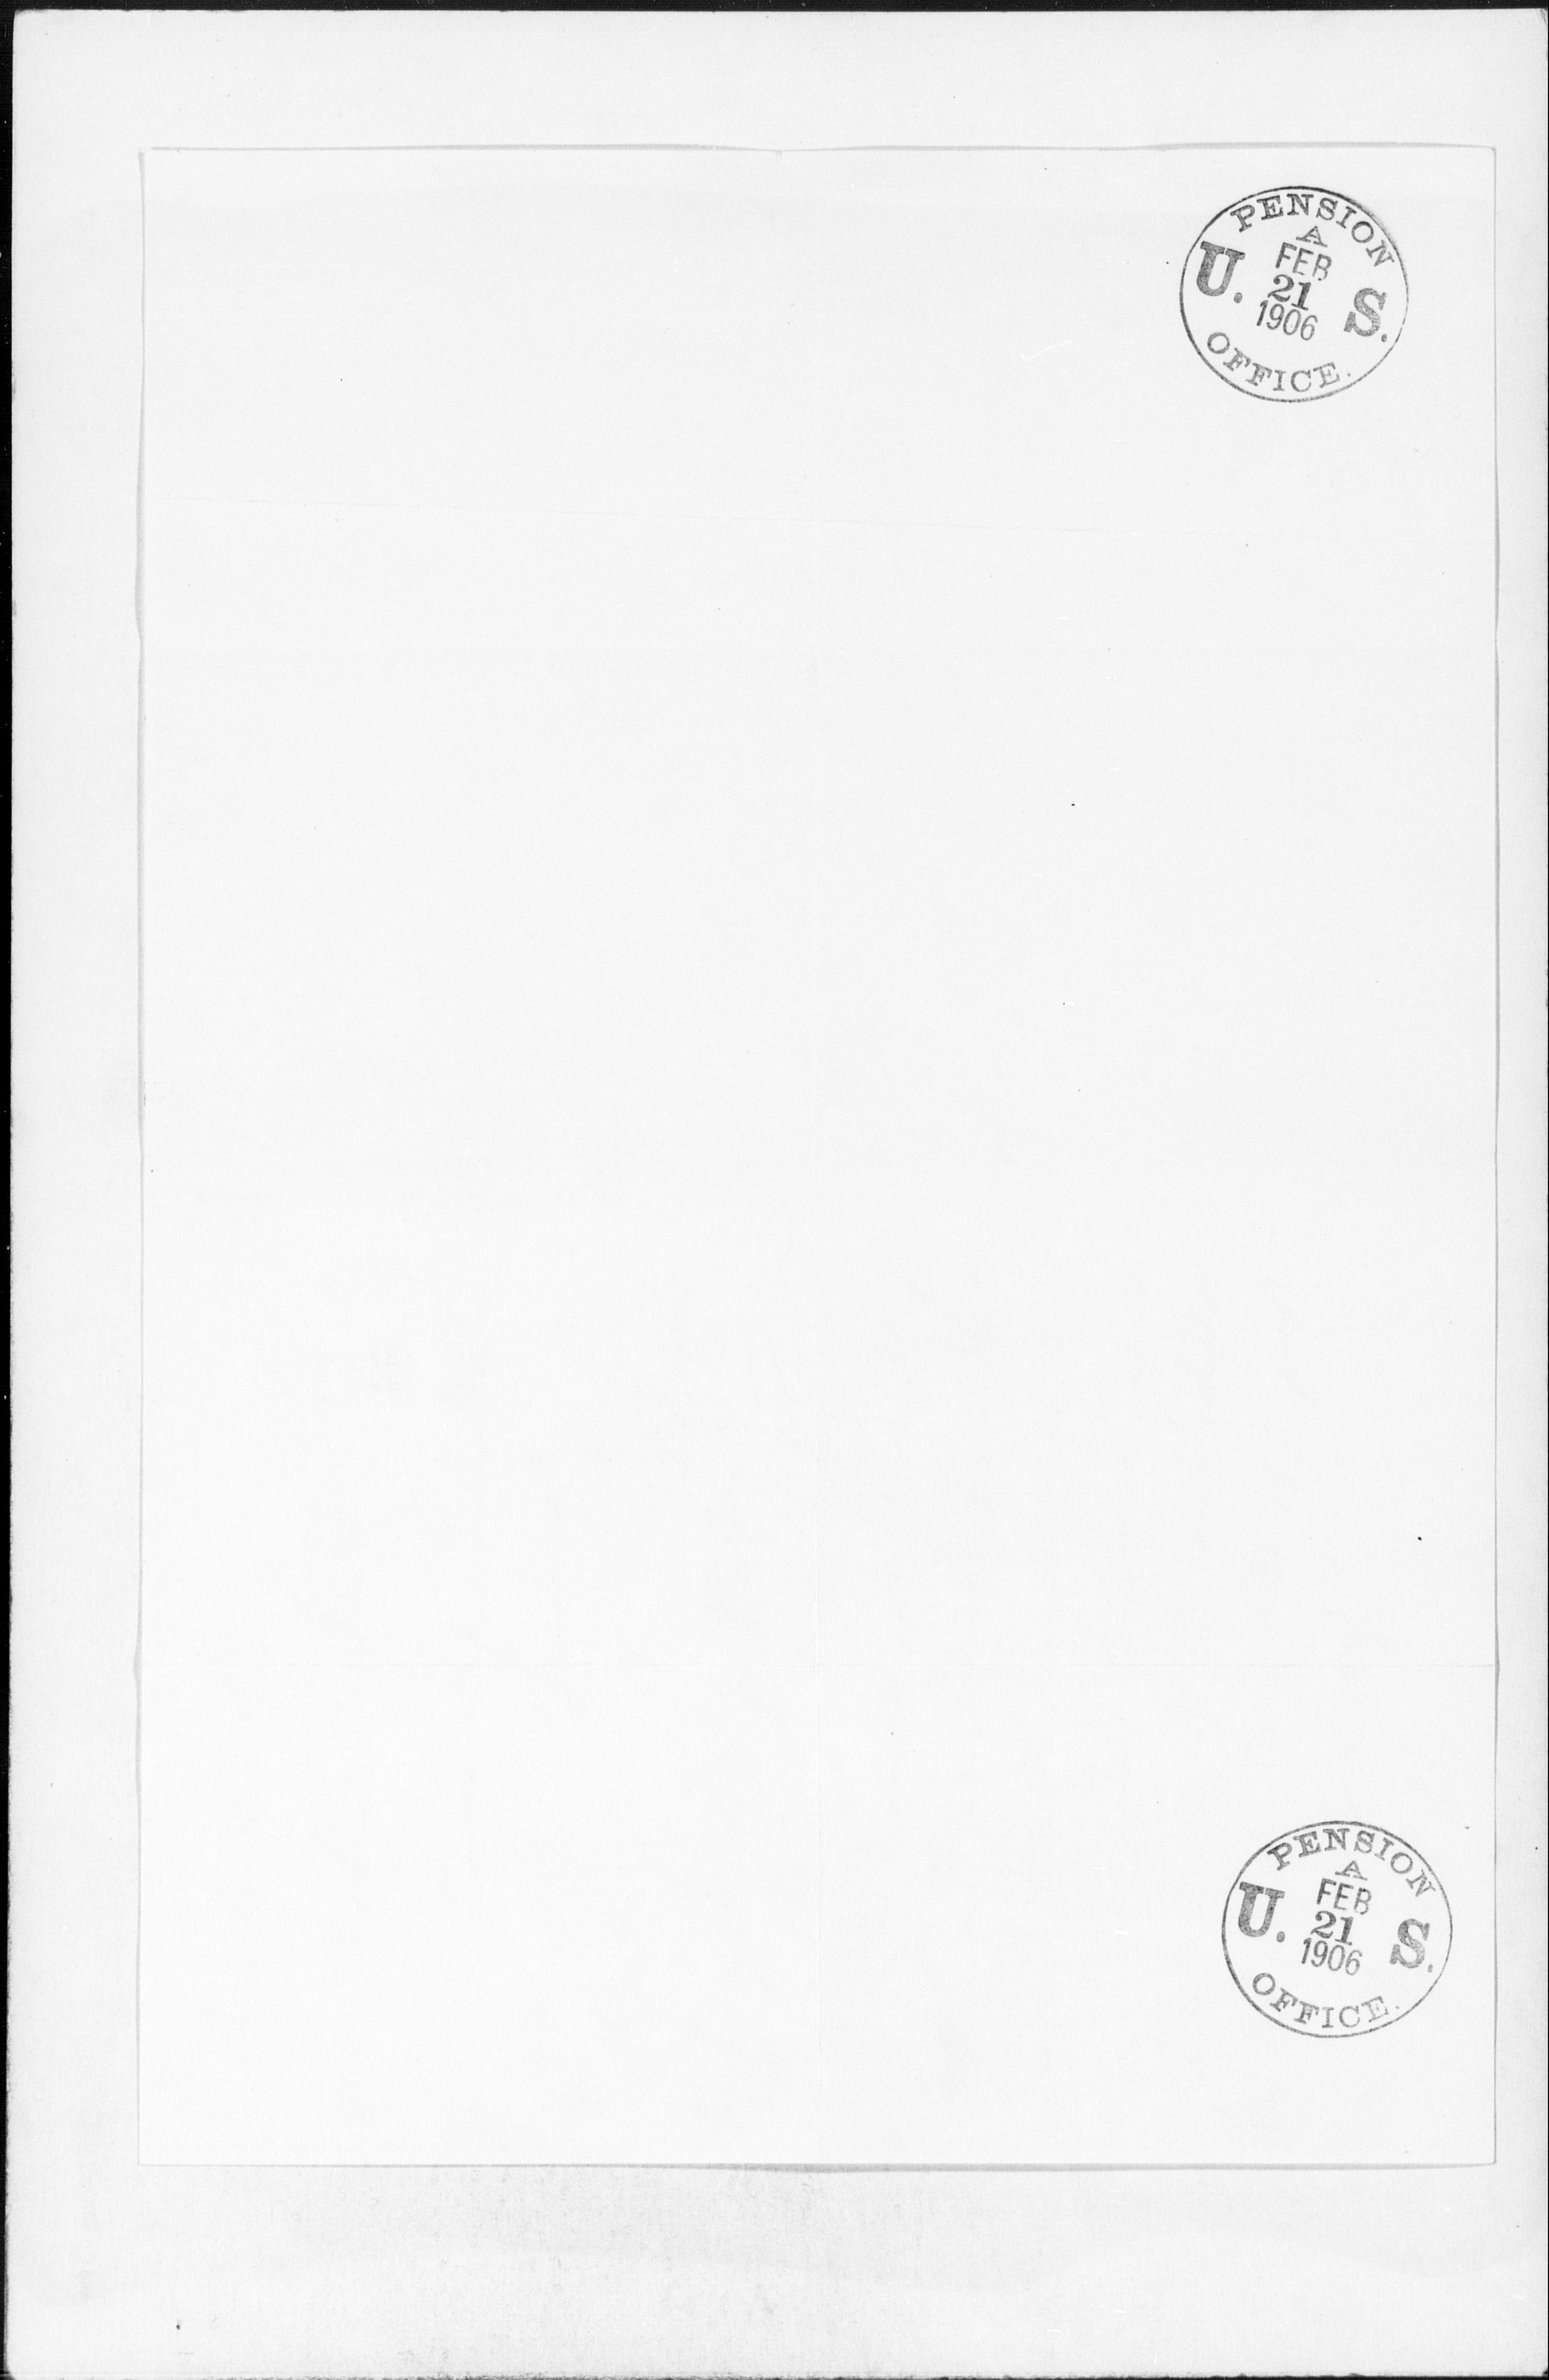U. S.
PENSION OFFICE
FEB 21 1906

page: 71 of 78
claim: widow's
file: W. 4117, Nathaniel Bradley, Conn.